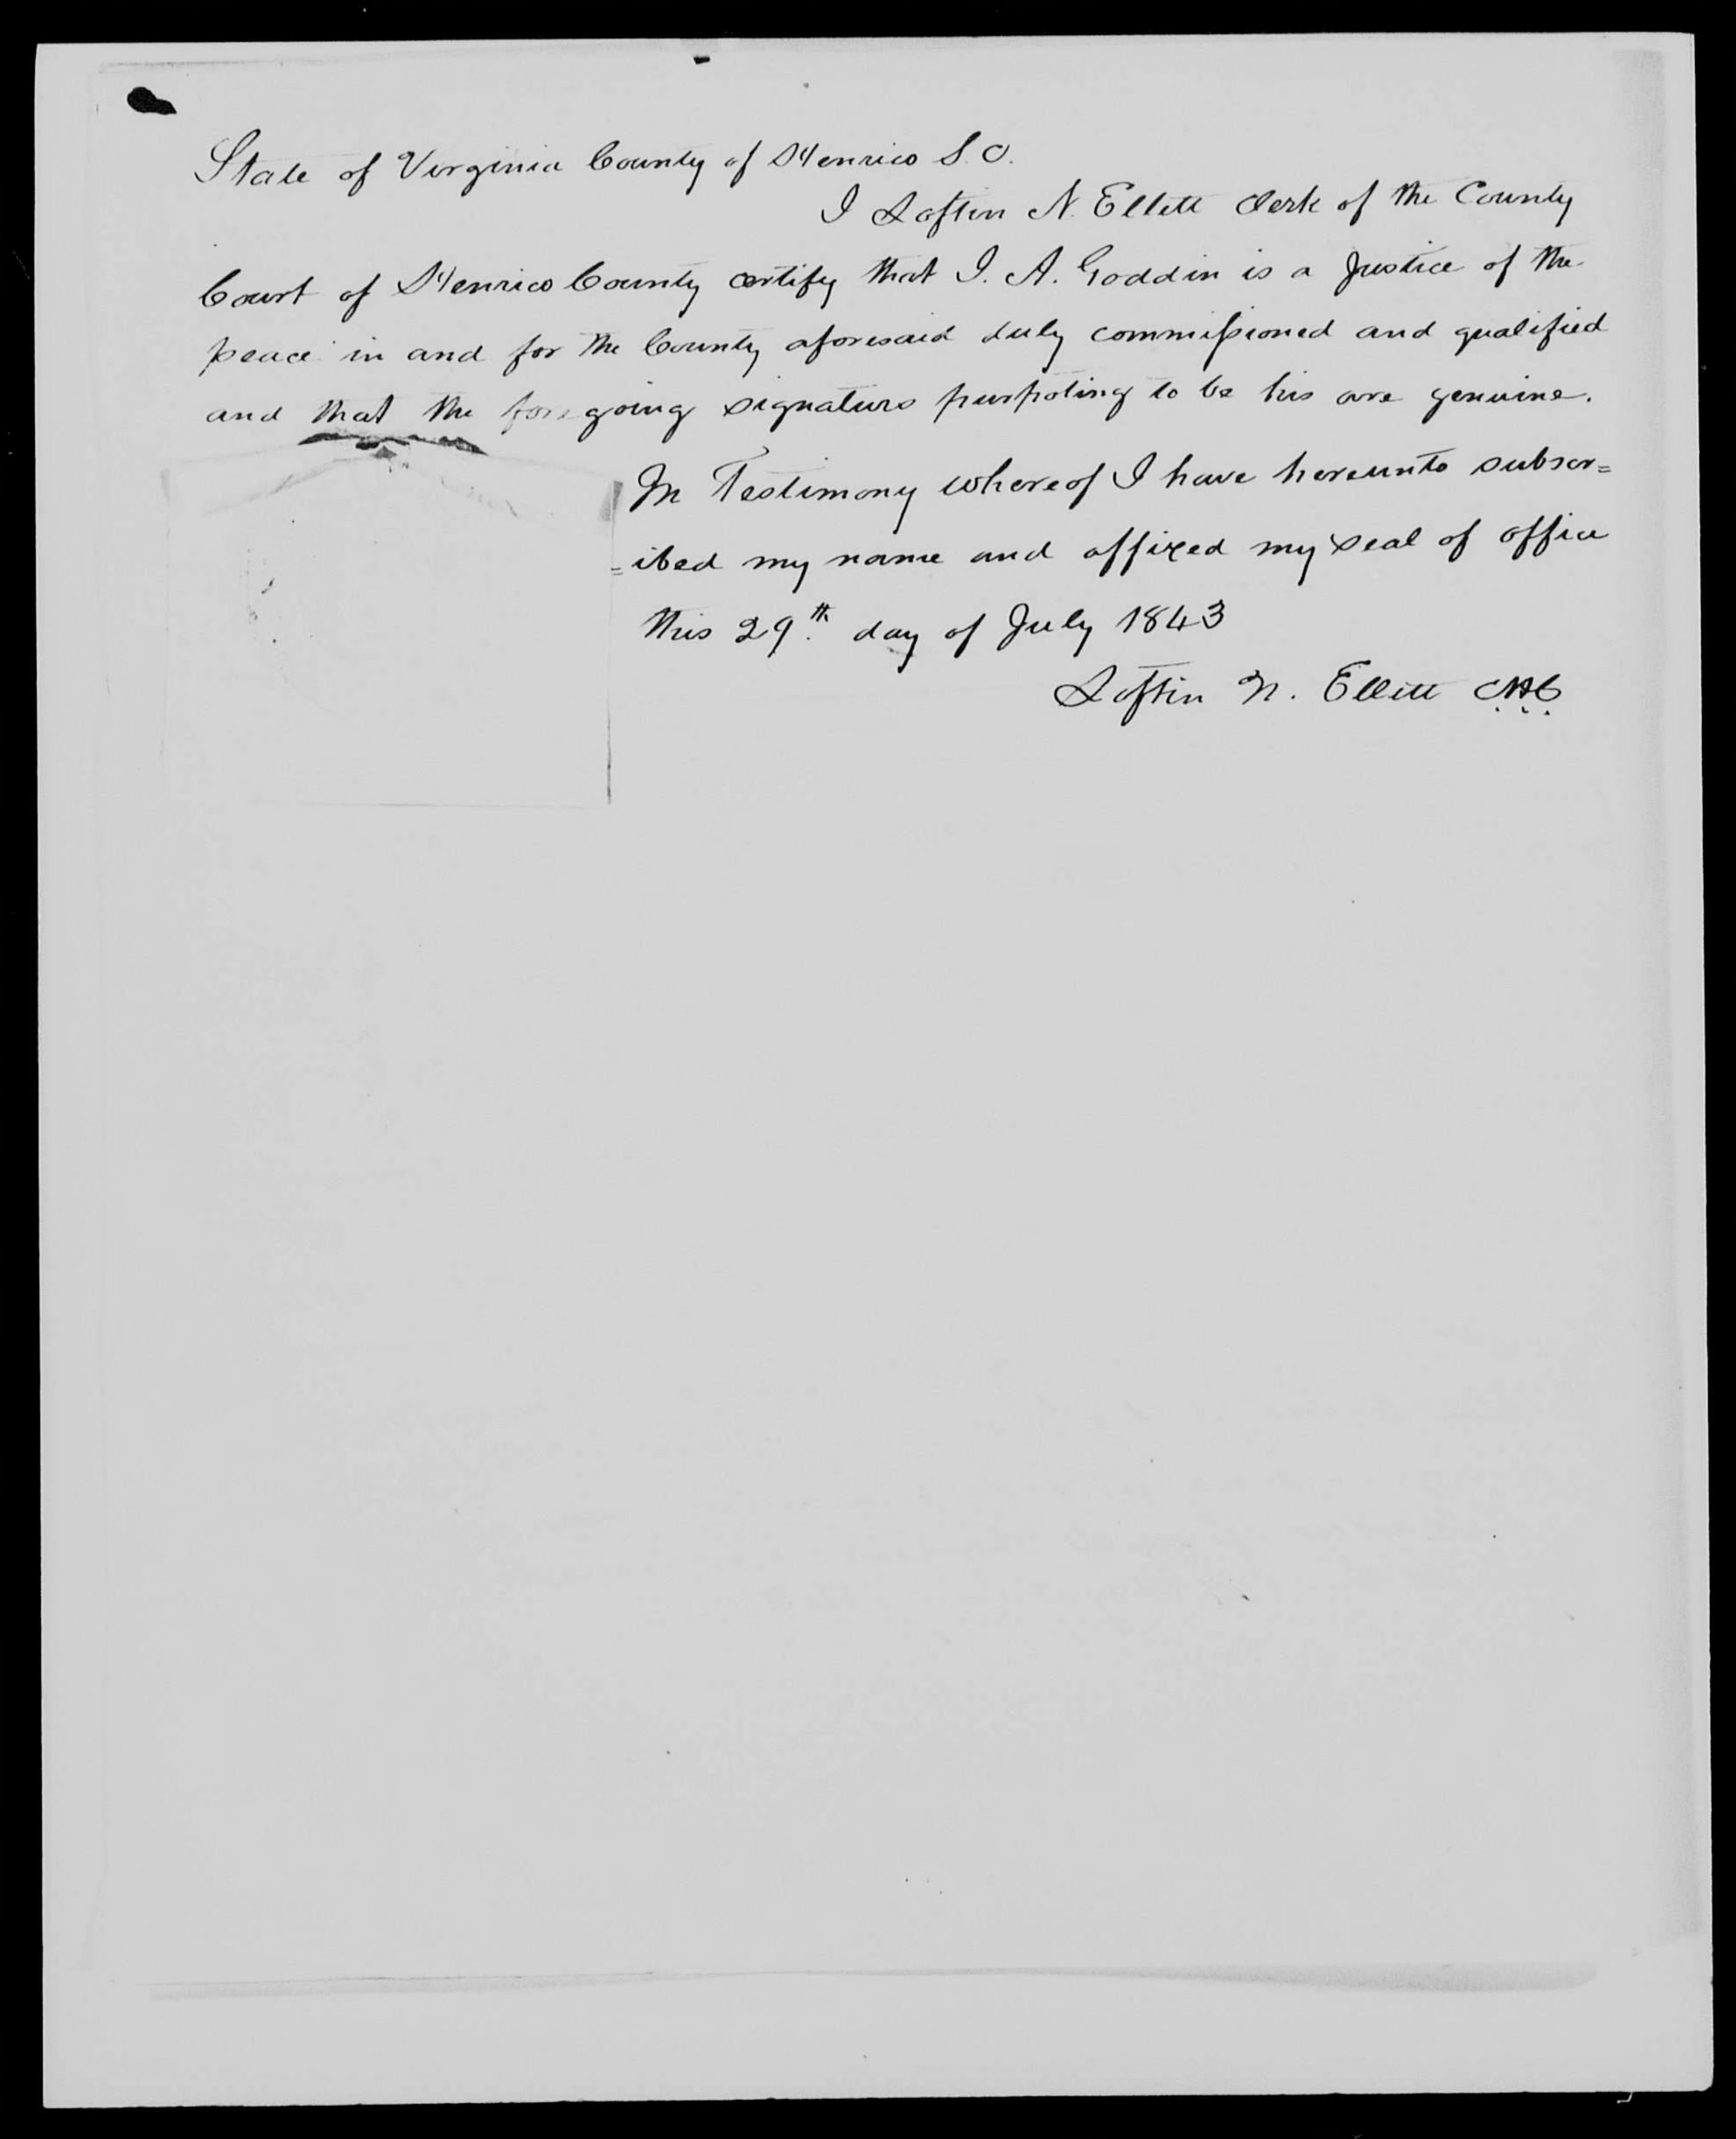State of Virginia County of Henrico S.C.
I Loftin N. Ellett Clerk of the County Court of Henrico County certify that J. A. Goddin is a Justice of the peace in and for the County aforesaid duly commissioned and qualified and that the foregoing signatures purporting to be his are genuine.
In Testimony whereof I have hereunto subscribed my name and affixed my seal of office this 29th day of July 1843
Loftin N. Ellett C.H.C.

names: J A Goodin, Loftin N Ellett, Loftin N Ellett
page: 28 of 43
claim: widow's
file: W. 5,626, Nathan Anderson, Va.